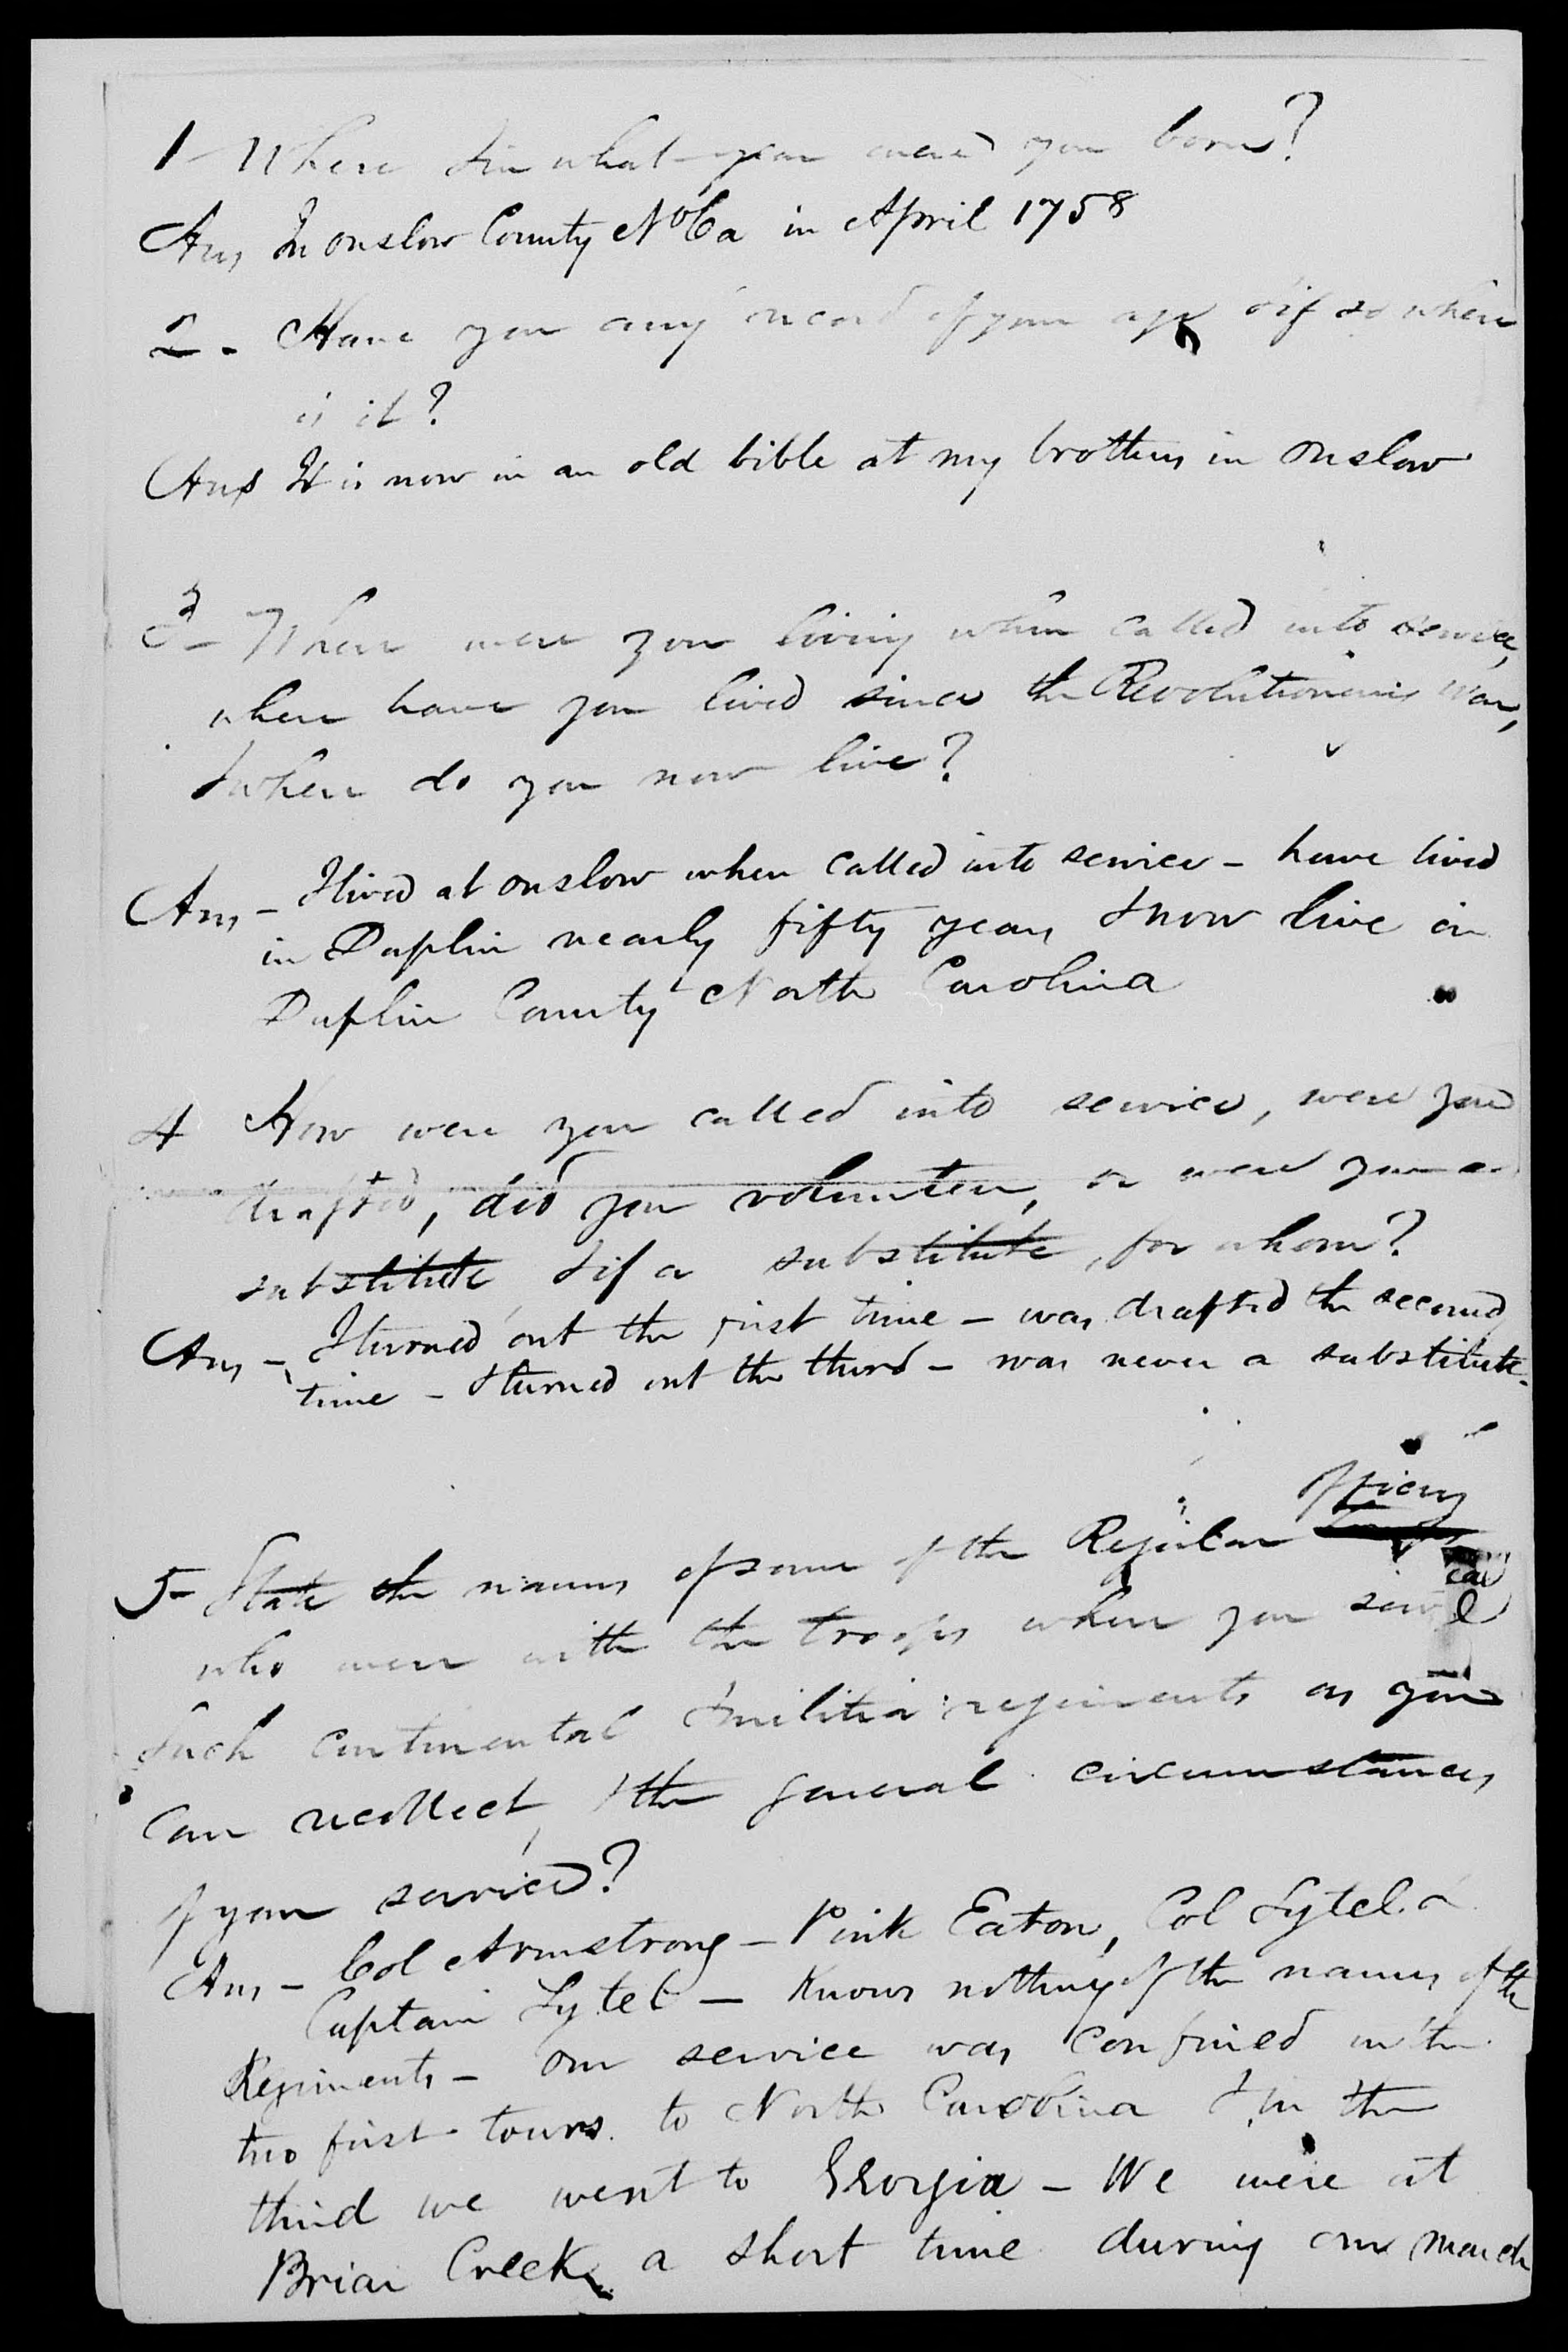1. Where and in what year were you born?  
Ans.  IN Onslow County NoCa in April 1758
2. Have you any record of your age and if sho where is it?
Ans. It is now in an old bible at my brothers in Onslow
3. Where were you living when called into service, where have you lived since the Revolutionary War, and where do you now live?
Ans. I lived at Onslow when called into service- have lived in Duplin nearly fifty years and now live in Duplin County North Carolina.
4. How were you called into service, were you drafted, did you volunteer, or were you a substitute and if a substitute, for whom?
Ans. I turned out the first time- was drafted the second time and turned out the third- was never a substitute.
5. State the names of some of the regular officers who were with the troops when you served. Such continental and militia regiments as you can recollect and the general circumstances of your service?
Ans Col Armstrong- Pink Eaton, Col Lytel or Captain Lytel- knows nothing of the names of the Regiments- our service was confined in the two first tours to North Carolina and in the third we went to Georgia- we were at Briar Creek a short time during our march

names: Armstrong Pink Eaton, Lytel, Lytel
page: 9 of 38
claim: widow's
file: W. 5231, Hilary Brinson, N.C.